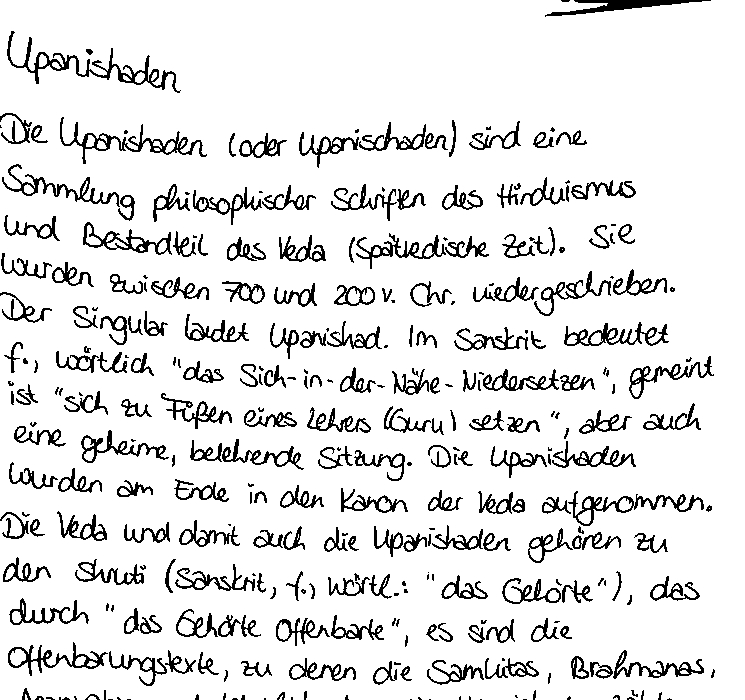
Upanishaden
Die Upanishaden (oder Upanischaden) sind eine
Sammlung philosophischer Schriften des Hinduismus
und Bestandteil des Veda (Spätvedische Zeit). Sie
wurden zwischen 700 und 200 v. Chr. niedergeschrieben.
Der Singular lautet die Upanishad. Im Sanskrit bedeutet
f., wörtlich "das Sich-in-der-Nähe-Niedersetzen", gemeint
ist "sich zu Füßen eines Lehrers (Guru) setzen", aber auch
eine geheime, belehrende Sitzung. Die Upanishaden
wurden am Ende in den Kanon der Veda aufgenommen.
Die Veda und damit auch die Upanishaden gehören zu
den Shruti (Sanskrit, f., wörtl.: "das Gehörte"), das
durch "das Gehörte Offenbarte", es sind die
Offenbarungstexte, zu denen die Samhitas, Brahmanas,
